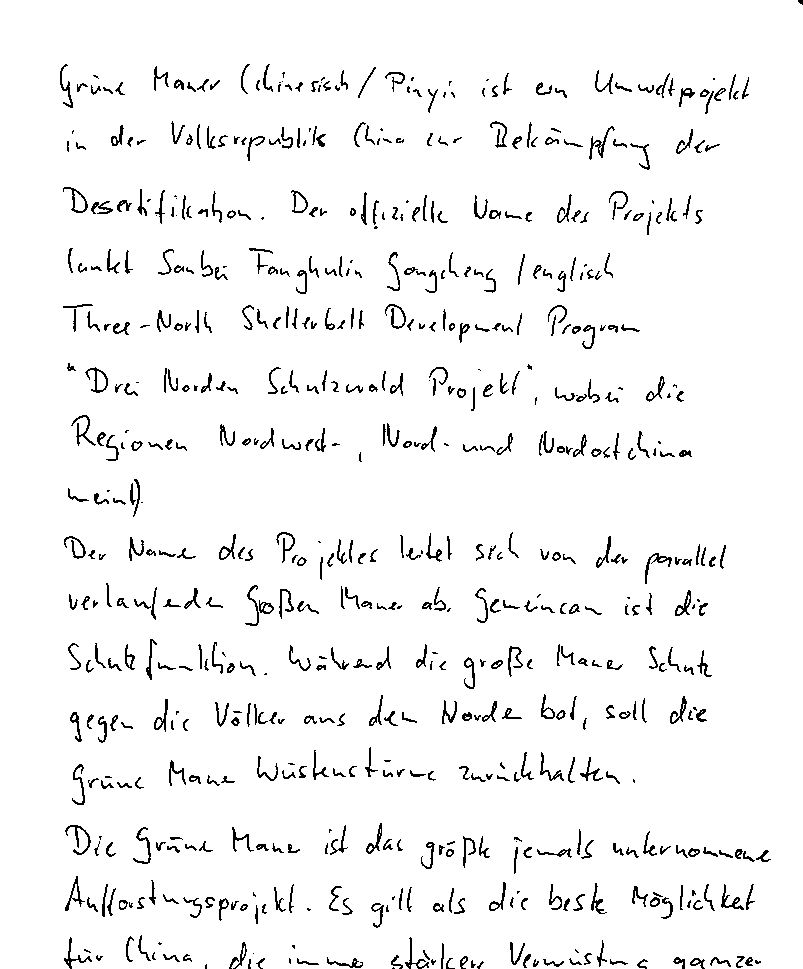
Grüne Mauer (chinesisch / Pinyin ist ein Umweltprojekt
in der Volksrepublik China zur Bekämpfung der
Desertifikation. Der offizielle Name des Projekts
lautet Sanbei Fanghulin Gongcheng / englisch
Three-North Shelterbelt Development Program
"Drei-Norden-Schutzwald-Projekt", wobei die
Regionen Nordwest-, Nord- und Nordostchina
meint).
Der Name des Projektes leitet sich von der parallel
verlaufenden Großen Mauer ab. Gemeinsam ist die
Schutzfunktion: Während die große Mauer Schutz
gegen die Völker aus dem Norden bot, soll die
Grüne Mauer Wüstenstürme zurückhalten.
Die Grüne Mauer ist das größte jemals unternommene
Aufforstungsprojekt. Es gilt als die beste Möglichkeit
für China, die immer stärkere Verwüstung ganzer
